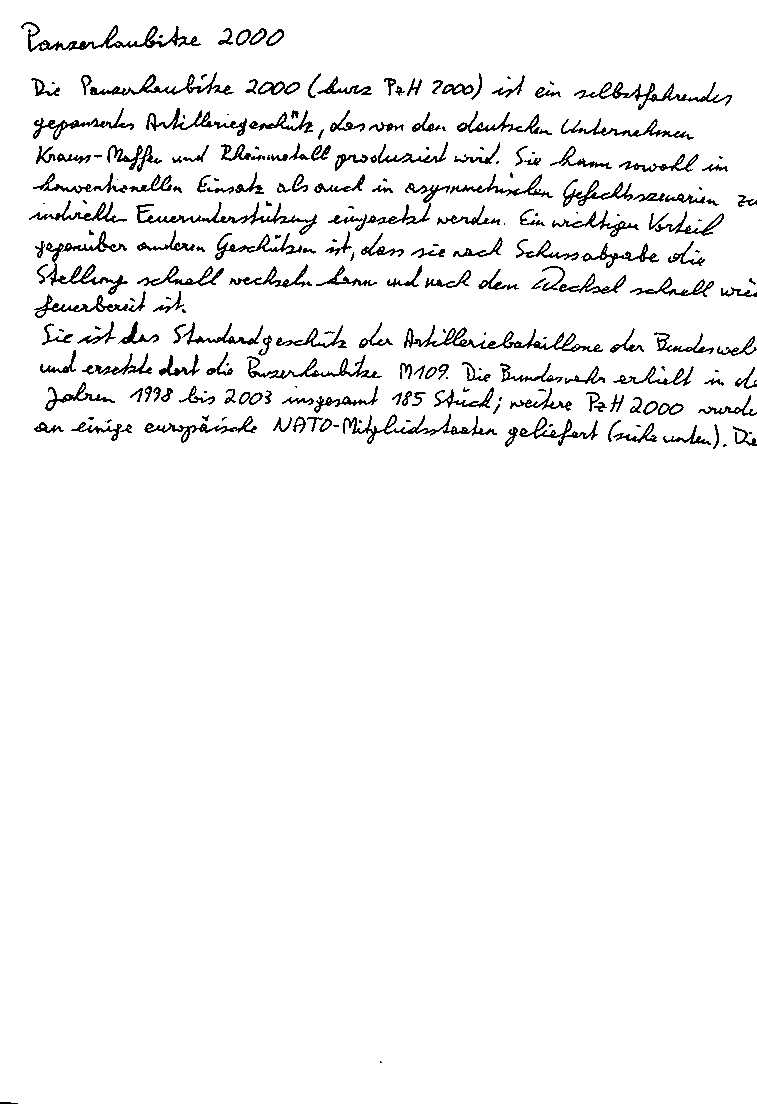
Panzerhaubitze 2000
Die Panzerhaubitze 2000 (kurz PzH 2000) ist ein selbstfahrendes
gepanzertes Artilleriegeschütz, das von den deutschen Unternehmen
Krauss-Maffei und Rheinmetall produziert wird. Sie kann sowohl im
konventionellen Einsatz als auch in asymmetrischen Gefechtsszenarien zur
indirekten Feuerunterstützung eingesetzt werden. Ein wichtiger Vorteil
gegenüber anderen Geschützen ist, dass sie nach Schussabgabe die
Stellung schnell wechseln kann und nach dem Wechsel schnell wieder
feuerbereit ist.
Sie ist das Standardgeschütz der Artilleriebataillone der Bundeswehr
und ersetzte dort die Panzerhaubitze M109. Die Bundeswehr erhielt in den
Jahren 1998 bis 2003 insgesamt 185 Stück; weitere PzH 2000 wurden
an einige europäische NATO-Mitgliedsstaaten geliefert (siehe unten). Die
